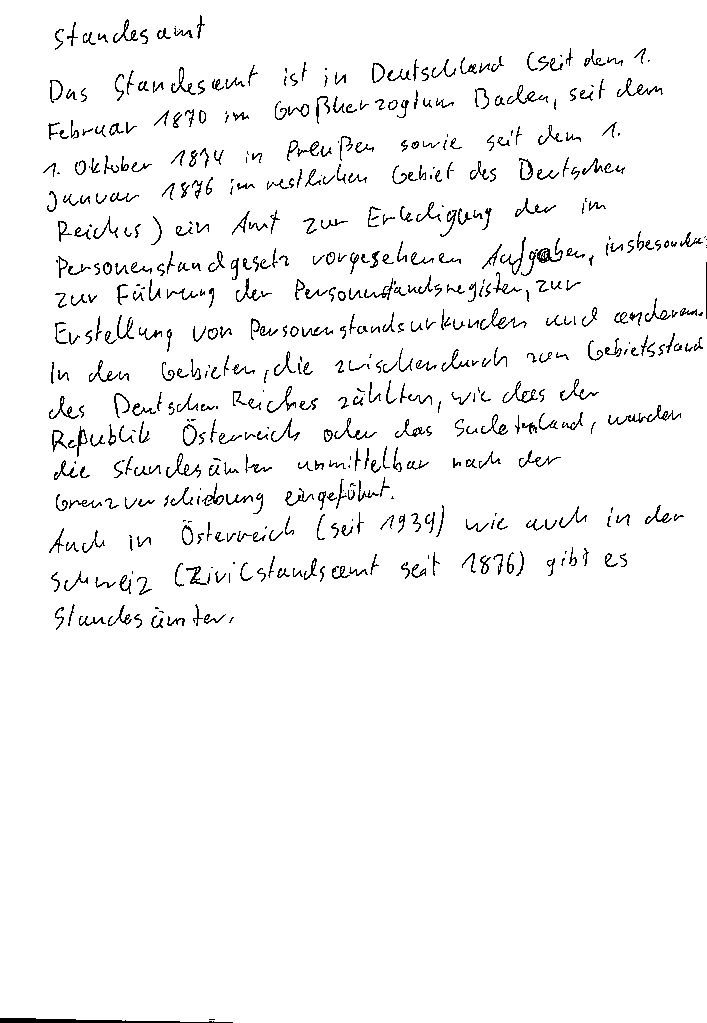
Standesamt
Das Standesamt ist in Deutschland (seit dem 1.
Februar 1870 im Großherzogtum Baden, seit dem
1. Oktober 1874 in Preußen sowie seit dem 1.
Januar 1876 im restlichen Gebiet des Deutschen
Reiches) ein Amt zur Erledigung der im
Personenstandsgesetz vorgesehenen Aufgaben, insbesondere
zur Führung der Personenstandsregister, zur
Erstellung von Personenstandsurkunden und anderem.
In den Gebieten, die zwischendurch zum Gebietsstand
des Deutschen Reiches zählten, wie das der
Republik Österreich oder das Sudetenland, wurden
die Standesämter unmittelbar nach der
Grenzverschiebung eingeführt.
Auch in Österreich (seit 1939) wie auch in der
Schweiz (Zivilstandsamt seit 1876) gibt es
Standesämter.
